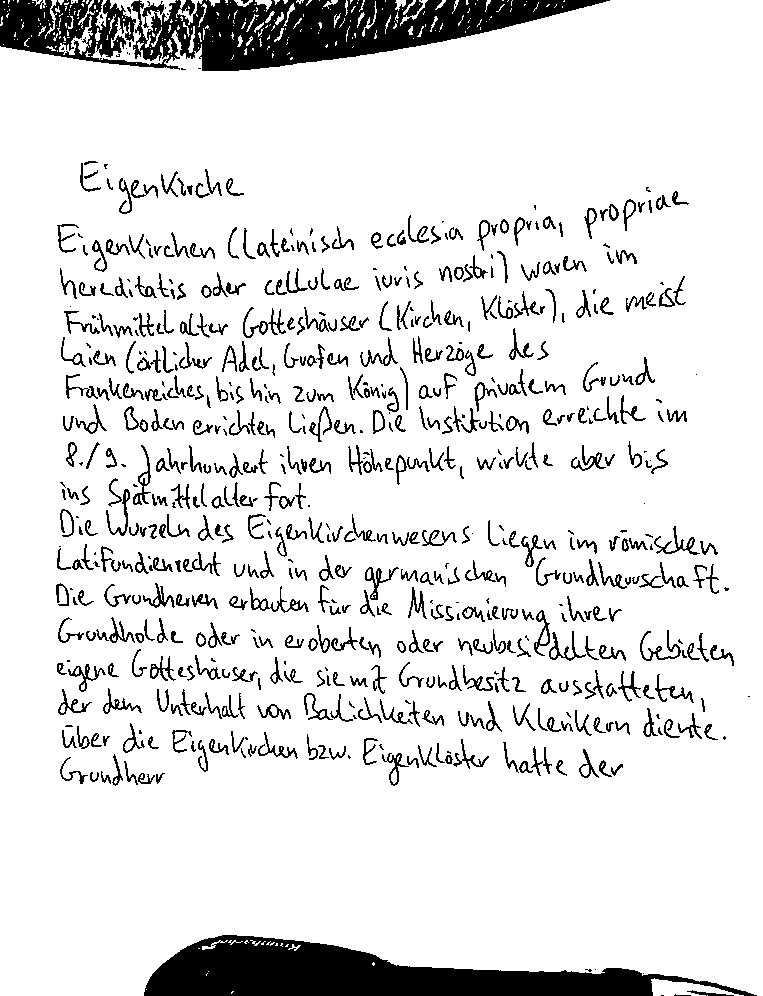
Eigenkirche
Eigenkirchen (lateinisch ecclesia propria, propriae
hereditatis oder cellulae iuris nostri) waren im
Frühmittelalter Gotteshäuser (Kirchen, Klöster), die meist
Laien (örtlicher Adel, Grafen und Herzöge des
Frankenreiches, bis hin zum König) auf privatem Grund
und Boden errichten ließen. Die Institution erreichte im
8./9. Jahrhundert ihren Höhepunkt, wirkte aber bis
ins Spätmittelalter fort.
Die Wurzeln des Eigenkirchenwesens liegen im römischen
Latifundienrecht und in der germanischen Grundherrschaft.
Die Grundherren erbauten für die Missionierung ihrer
Grundholde oder in eroberten oder neubesiedelten Gebieten
eigene Gotteshäuser, die sie mit Grundbesitz ausstatteten,
der dem Unterhalt von Baulichkeiten und Klerikern diente.
Über die Eigenkirchen bzw. Eigenklöster hatte der Grundherr
